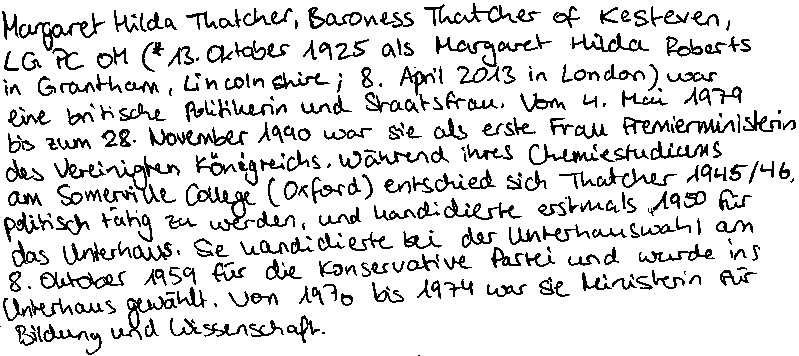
Margaret Hilda Thatcher, Baroness Thatcher of Kesteven,
LG PC OM (* 13. Oktober 1925 als Margaret Hilda Roberts
in Grantham, Lincolnshire; 8. April 2013 in London) war
eine britische Politikerin und Staatsfrau. Vom 4. Mai 1979
is zum 28. November 1990 war sie als erste Frau Premierministerin
des Vereinigten Königreichs. Während ihres Chemiestudiums
am Somerville College (Oxford) entschied sich Thatcher 1945/46,
politisch tätig zu werden, und kandidierte erstmals 1950 für
das Unterhaus. Sie kandidierte bei der Unterhauswahl am
8. Oktober 1959 für die Konservative Partei und wurde ins
Unterhaus gewählt. Von 1970 bis 1974 war sie Ministerin für
Bildung und Wissenschaft
